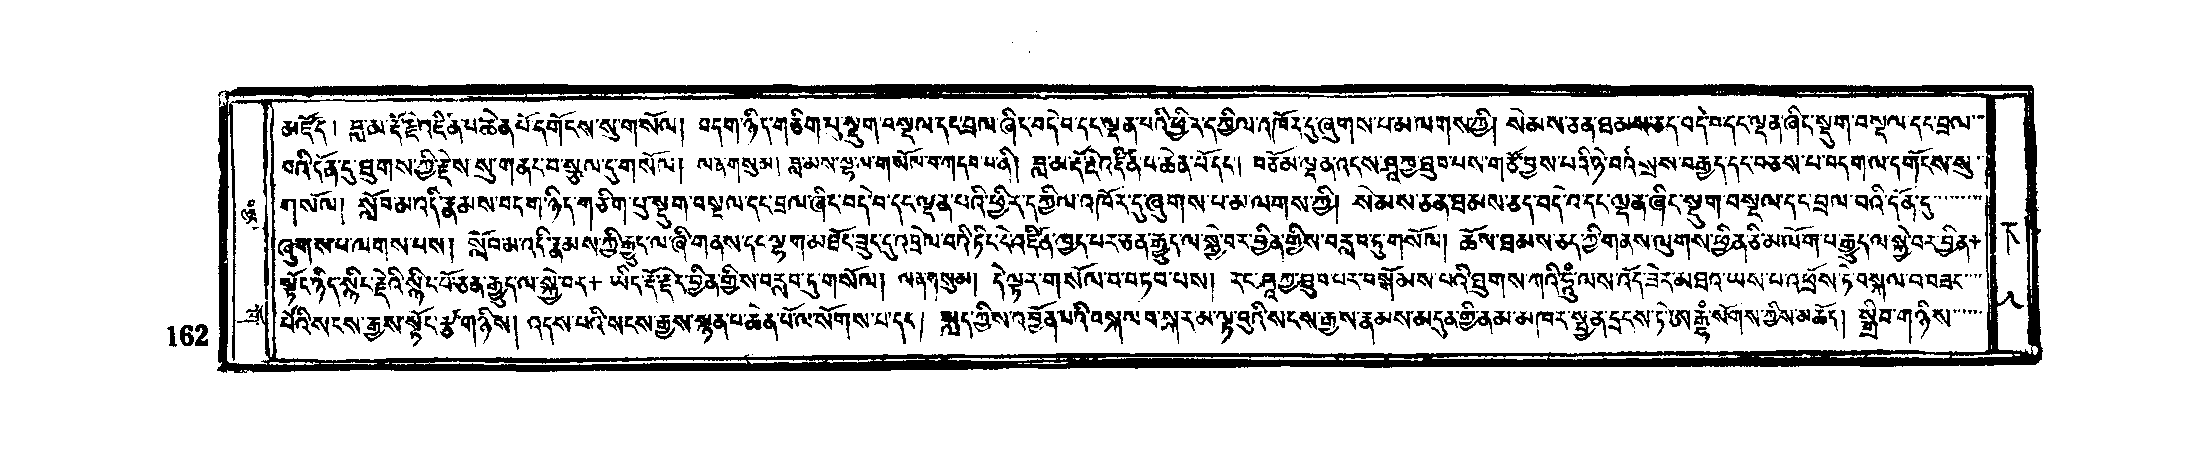མཛོད། བླ་མ་རྡོ་རྗེ་འཛིན་པ་ཆེན་པོ་དགོངས་སུ་གསོལ། བདག་ཉིད་གཅིག་པུ་སྡུག་བསྔལ་དང་བྲལ་ཞིང་བདེ་བ་དང་ལྡན་པའི་ཕྱིར་དཀྱིལ་འཁོར་དུ་ཞུགས་པ་མ་ལགས་ཀྱི། སེམས་ཅན་ཐམས་ཅད་བདེ་བ་དང་ལྡན་ཞིང་སྡུག་བསྔལ་དང་བྲལ་
བའི་དོན་དུ་ཐུགས་ཀྱི་རྗེས་སུ་གནང་བ་སྩལ་དུ་གསོལ། ལན་གསུམ། བླ་མས་ལྷ་ལ་གསོལ་བ་གདབ་པ་ནི། བླ་མ་རྡོ་རྗེ་འཛིན་པ་ཆེན་པོ་དང་། བཅོམ་ལྡན་འདས་ཤཱཀྱ་ཐུབ་པས་གཙོ་བྱས་པའི་ཉེ་བའི་སྲས་བརྒྱད་དང་བཅས་པ་བདག་ལ་དགོངས་སུ་
གསོལ། སློབ་མ་འདི་རྣམས་བདག་ཉིད་གཅིག་པུ་སྡུག་བསྔལ་དང་བྲལ་ཞིང་བདེ་བ་དང་ལྡན་པའི་ཕྱིར་དཀྱིལ་འཁོར་དུ་ཞུགས་པ་མ་ལགས་ཀྱི། སེམས་ཅན་ཐམས་ཅད་བདེ་བ་དང་ལྡན་ཞིང་སྡུག་བསྔལ་དང་བྲལ་བའི་དོན་དུ་
ཞུགས་པ་ལགས་པས། སློབ་མ་འདི་རྣམས་ཀྱི་རྒྱུད་ལ་ཞི་གནས་དང་ལྷག་མཐོང་ཟུང་དུ་འབྲེལ་བའི་ཏིང་ངེ་འཛིན་ཁྱད་པར་ཅན་རྒྱུད་ལ་སྐྱེ་བར་བྱིན་གྱིས་བརླབ་ཏུ་གསོལ། ཆོས་ཐམས་ཅད་ཀྱི་གནས་ལུགས་ཕྱིན་ཅི་མ་ལོག་པ་རྒྱུད་ལ་སྐྱེ་བར་བྱིན་+
སྟོང་ཉིད་སྙིང་རྗེའི་སྙིང་པོ་ཅན་རྒྱུད་ལ་སྐྱེ་བར་+་ཡིད་རྡོ་རྗེར་བྱིན་གྱིས་བརླབ་ཏུ་གསོལ། ལན་གསུམ། དེ་ལྟར་གསོལ་བ་བཏབ་པས། རང་ཤཱཀྱ་ཐུབ་པར་བསྒོམས་པའི་ཐུགས་ཀའི་ཧཱུཾ་ལས་འོད་ཟེར་མཐའ་ཡས་པ་འཕྲོས་ཏེ་བསྐལ་བ་བཟང་
པོའི་སངས་རྒྱས་སྟོང་རྩ་གཉིས། འདས་པའི་སངས་རྒྱས་སྙན་པ་ཆེན་པོ་ལ་སོགས་པ་དང་། སླད་ཀྱིས་འབྱོན་པའི་བསྐལ་བ་སྐར་མ་ལྟ་བུའི་སངས་རྒྱས་རྣམས་མདུན་གྱི་ནམ་མཁར་སྤྱན་དྲངས་ཏེ་ཨརྒྷཾ་སོགས་ཀྱིས་མཆོད། སྒྲིབ་གཉིས་